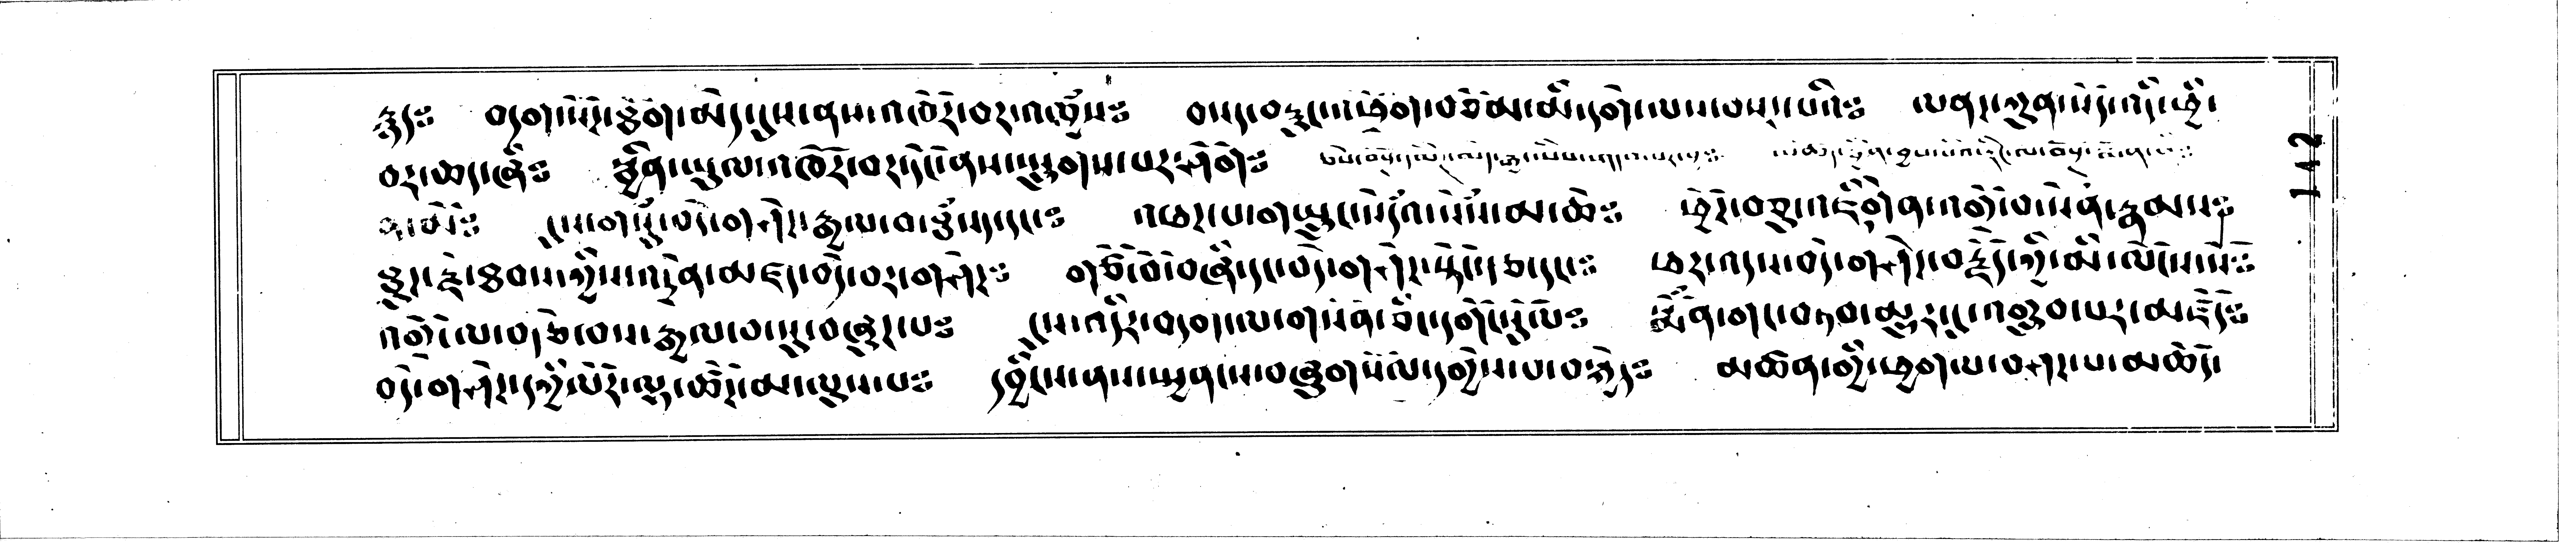རྙེདཿ བདག་སོགས་ཐོག་མེད་དུས་ནས་འཁོར་བར་འཁྱམསཿ བསད་བརྡུང་འཕྲོག་བཅོམ་མི་དགེ་ལས་བསགས་པའིཿ ལན་ཆགས་ཀུན་སོད་འདི་ཕྱི་
བར་ཆད་ཞིཿ སྦྱིན་ཡུལ་འཁོར་བ་དོང་ནས་སྤྲུག་པར་ཤོགཿ ཅེས་བསྔོ་དམིགས་མེད་རྒྱ་ཡིས་གདབ་པར་བྱཿ མཆོད་སྦྱིན་བྱས་པའི་རིང་ལ་བསྔོ་སྨོན་ནིཿ 
ན་མོཿ དུས་གསུམ་བདེར་གཤེགས་རྒྱལ་བ་ཐམས་ཅད་དངཿ འཕགས་པ་གཡུང་དྲུང་སེམས་དཔའ་སེམས་མ་ཆེཿ ཕྱོགས་བཅུ་འཇིག་རྟེན་འགྲོ་བ་སེམས་ཅན་རྣམསཿ
 ཐུགས་རྗེ་ཐབས་ཀྱིས་འདྲེན་མཛད་བདེ་བར་གཤེགསཿ གཙོ་བོ་བཞི་དང་བདེར་གཤེགས་སྟོང་རྩ་དངཿ ཕར་འདས་བདེར་གཤེགས་བརྗོད་ཀྱིས་མི་ལངས་སོཿ 
འགྲོ་ལ་བརྩེ་བའི་རྒྱལ་བ་སུ་བཞུགས་པཿ དུས་འདིར་བདག་ལ་གསོན་ཅིང་དགོངས་སུ་གསོལཿ སྨོན་ལམ་གང་བཏབ་མྱུར་དུ་འགྲུབ་པར་མཛོདཿ 
བདེར་གཤེགས་དཀྱིལ་འཁོར་ལྷ་ཚོགས་མ་ལུས་པཿ དབྱིངས་ནས་སྤྱན་དྲངས་བཞུགས་གསོལ་དགྱེས་པ་བསྐྱེདཿ མཚན་གྱི་ཕྱག་འཚལ་བཤགས་པ་མཆོད་